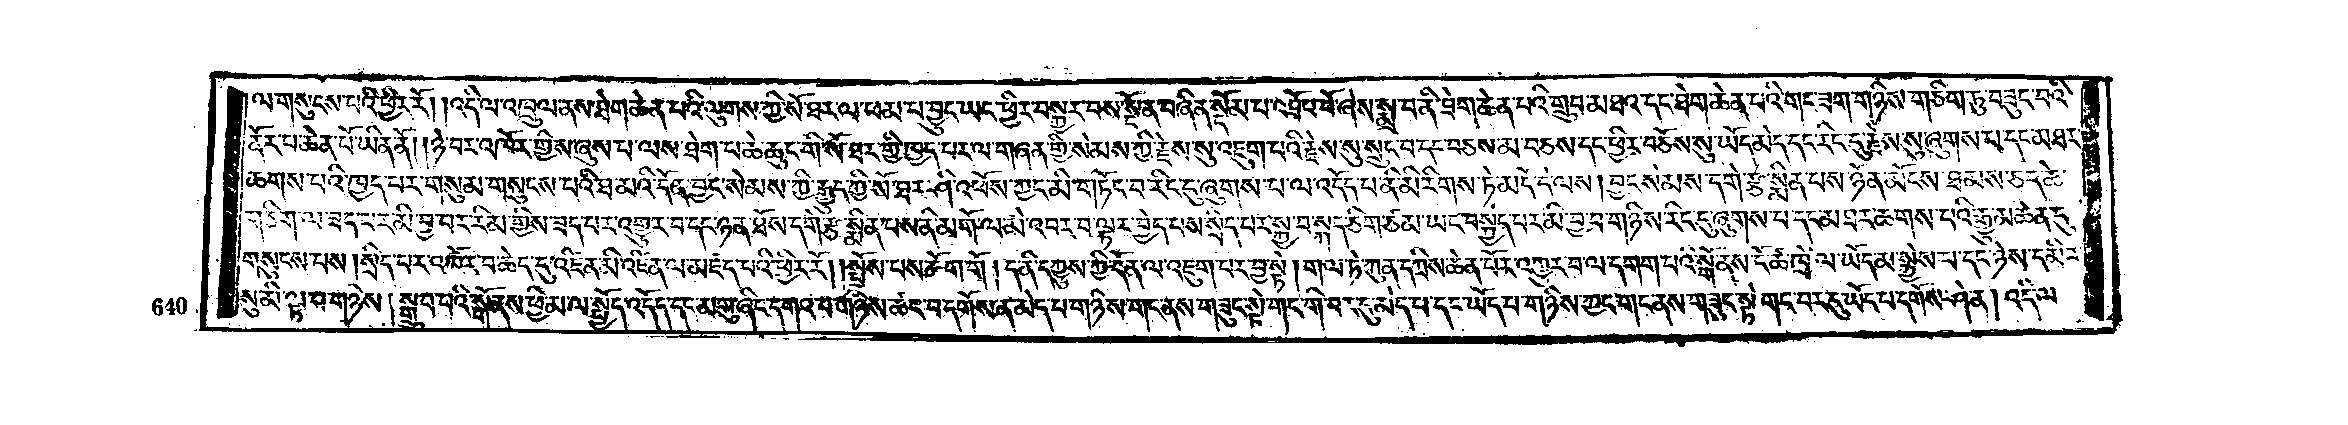ལ་གསུངས་པའི་ཕྱིར་རོ། །འདི་ལ་འཁྲུལ་ནས་ཐེག་ཆེན་པའི་ལུགས་ཀྱི་སོ་ཐར་ལ་ཕམ་པ་བྱུང་ཡང་ཕྱིར་བསྐྱར་བས་སྔོན་བཞིན་སྡོམ་པ་འཐོབ་བོ་ཞེས་སྨྲ་བ་ནི་ཐེག་ཆེན་པའི་གྲུབ་མཐའ་དང་ཐེག་ཆེན་པའི་གང་ཟག་གཉིས་གཅིག་ཏུ་བཟུང་བའི་
ནོར་པ་ཆེན་པོ་ཡིན་ནོ། །ཉེ་བར་འཁོར་གྱིས་ཞུས་པ་ལས་ཐེག་པ་ཆེ་ཆུང་གི་སོ་ཐར་གྱི་ཁྱད་པར་ལ་གཞན་གྱི་སེམས་ཀྱི་རྗེས་སུ་འཇུག་པའི་རྗེས་སུ་སྲུང་བ་དང་བཅས་མ་བཅས་དང་ཕྱིར་བཅོས་སུ་ཡོད་མེད་དང་རིང་དུ་རྗེས་སུ་ཞུགས་པ་དང་མཐར་
ཆགས་པའི་ཁྱད་པར་གསུམ་གསུངས་པའི་ཐ་མའི་དོན་བྱང་སེམས་ཀྱི་རྒྱུད་ཀྱི་སོ་ཐར་ཤི་འཕོས་ཀྱང་མི་གཏོང་བ་རིང་དུ་ཞུགས་པ་ལ་འདོད་པ་ནི་མི་རིགས་ཏེ་མདོ་དེ་ལས། བྱང་སེམས་དགེ་རྩ་སྨིན་པས་ཉོན་མོངས་ཐམས་ཅད་ཆེ་
གཅིག་ལ་ཟད་པར་མི་བྱ་བར་རིམ་གྱིས་ཟད་པར་འགྱུར་བ་དང་ཉན་ཐོས་དགེ་རྩ་སྨིན་པས་ནི་མགོ་ལ་མེ་འབར་བ་ལྟར་བྱེད་པས་སྲིད་པར་སྐྱེ་བ་སྐད་ཅིག་ཙམ་ཡང་བསྐྱེད་པར་མི་བྱ་བ་གཉིས་རིང་དུ་ཞུགས་པ་དང་མཐར་ཆགས་པའི་རྒྱུ་མཚན་དུ་
གསུངས་པས། སྲིད་པར་འཁོར་བ་ཆེད་དུ་འཛིན་མི་འཛིན་ལ་མཛད་པའི་ཕྱིར་རོ། །སྤྲོས་པས་ཆོག་གོ །ད་ནི་དཀྱུས་ཀྱི་དོན་ལ་འཇུག་པར་བྱ་སྟེ། གལ་ཏེ་ཀུན་དཀྲིས་ཆེན་པོར་འགྱུར་བ་ལ་དགག་པའི་སྒོ་ནས་ངོ་ཚ་ཁྲེལ་ཡོད་མ་སྐྱེས་པ་དང་ཉེས་དམིགས་
སུ་མི་ལྟ་བ་གཉིས། སྒྲུབ་པའི་སྒོ་ནས་ཕྱི་མ་ལ་སྤྱོད་འདོད་དང་མགུ་ཞིང་དགའ་བ་གཉིས་ཚང་བ་དགོས་ན་མེད་པ་གཉིས་གང་ནས་གཟུང་སྟེ་གང་གི་བར་དུ་མེད་པ་དང་ཡོད་པ་གཉིས་ཀྱང་གང་ནས་གཟུང་སྟེ་གང་བར་དུ་ཡོད་པ་དགོས་ཤེ་ན། འདི་ལ་